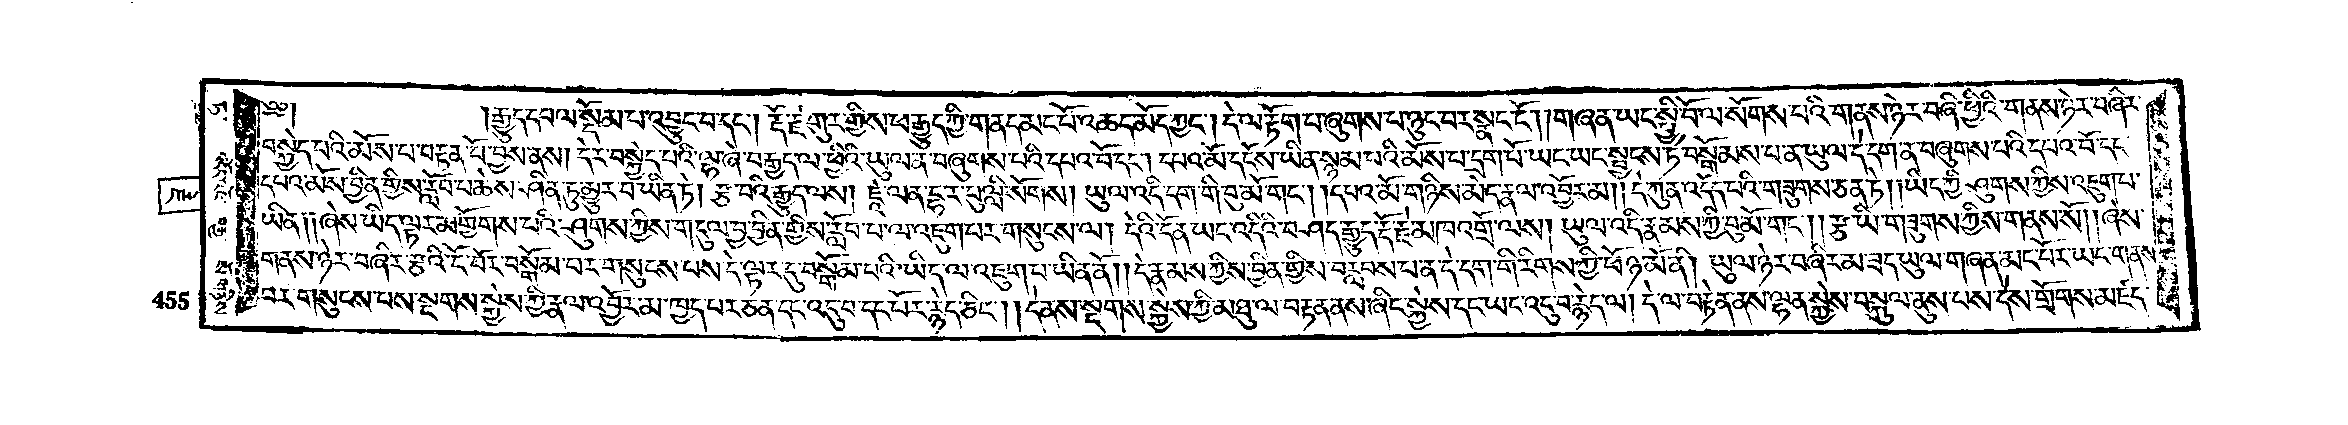༄༅། །རྒྱུད་དཔལ་སྡོམ་པ་འབྱུང་བ་དང་། རྡོ་རྗེ་གུར་གྱིས་ཕ་རྒྱུད་ཀྱི་གནད་མང་པོ་འཆད་མོད་ཀྱང་། དེ་ལ་རྟོག་པ་ཞུགས་པ་ཉུང་བར་སྣང་ངོ། །གཞན་ཡང་སྤྱི་བོ་ལ་སོགས་པའི་གནས་ཉེར་བཞི་ཕྱིའི་གནས་ཉེར་བཞིར་
བསྐྱེད་པའི་མོས་པ་བརྟན་པོ་བྱས་ནས། དེར་བསྐྱེད་པའི་ལྷ་ཞེ་བརྒྱད་ལ་ཕྱིའི་ཡུལ་ན་བཞུགས་པའི་དཔའ་བོ་དང་། དཔའ་མོ་དངོས་ཡིན་སྙམ་པའི་མོས་པ་དྲག་པོ་ཡང་ཡང་སྦྱངས་ཏེ་བསྒོམས་པ་ན་ཡུལ་དེ་དག་ན་བཞུགས་པའི་དཔའ་བོ་དང་
དཔའ་མོས་བྱིན་གྱིས་རློབ་པ་ཆེས་ཤིན་ཏུ་མྱུར་བ་ཡིན་ཏེ། རྩ་བའི་རྒྱུད་ལས། ཛཱ་ལན་དྷ་ར་པུལླི་སོགས། ཡུལ་འདི་དག་གི་བུ་མོ་གང་། །དཔའ་མོ་གཉིས་མེད་རྣལ་འབྱོར་མ། །དེ་ཀུན་འདོད་པའི་གཟུགས་ཅན་ཏེ། །ཡིད་ཀྱི་ཤུགས་ཀྱིས་འཇུག་པ་
ཡིན། །ཞེས་ཡིད་ལྟར་མགྱོགས་པའི་ཤུགས་ཀྱིས་གདུལ་བྱ་བྱིན་གྱིས་རློབ་པ་ལ་འཇུག་པར་གསུངས་ལ། དེའི་དོན་ཡང་འདིའི་བཤད་རྒྱུད་རྡོ་རྗེ་མཁའ་འགྲོ་ལས། ཡུལ་འདི་རྣམས་ཀྱི་བུ་མོ་གང་། །རྩ་ཡི་གཟུགས་ཀྱི་ས་གནས་སོ། །ཞེས་
གནས་ཉེར་བཞིར་རྩའི་ངོ་བོར་བསྒོམ་པར་གསུངས་པས་དེ་ལྟར་དུ་བསྒོམ་པའི་ཡིད་ལ་འཇུག་པ་ཡིན་ནོ། །དེ་རྣམས་ཀྱིས་བྱིན་གྱིས་བརླབས་པ་ན་དེ་དག་གི་རིགས་ཀྱི་ཕོ་ཉ་མོ་ནི། ཡུལ་ཉེར་བཞིར་མ་ཟད་ཡུལ་གཞན་མང་པོར་ཡང་གནས་
པར་གསུངས་པས་སྔགས་སྐྱེས་ཀྱི་རྣལ་འབྱོར་མ་ཁྱད་པར་ཅན་དང་འདུ་བ་དང་པོར་རྙེད་ཅིང་། །དེ་ནས་སྔགས་སྐྱེས་ཀྱི་མཐུ་ལ་བརྟེན་ནས་ཞིང་སྐྱེས་དང་ཡང་འདུ་བ་རྙེད་ལ། དེ་ལ་བརྟེན་ནས་ལྷན་སྐྱེས་བསྐུལ་ནུས་པས་དེས་གྲོགས་མཛད་